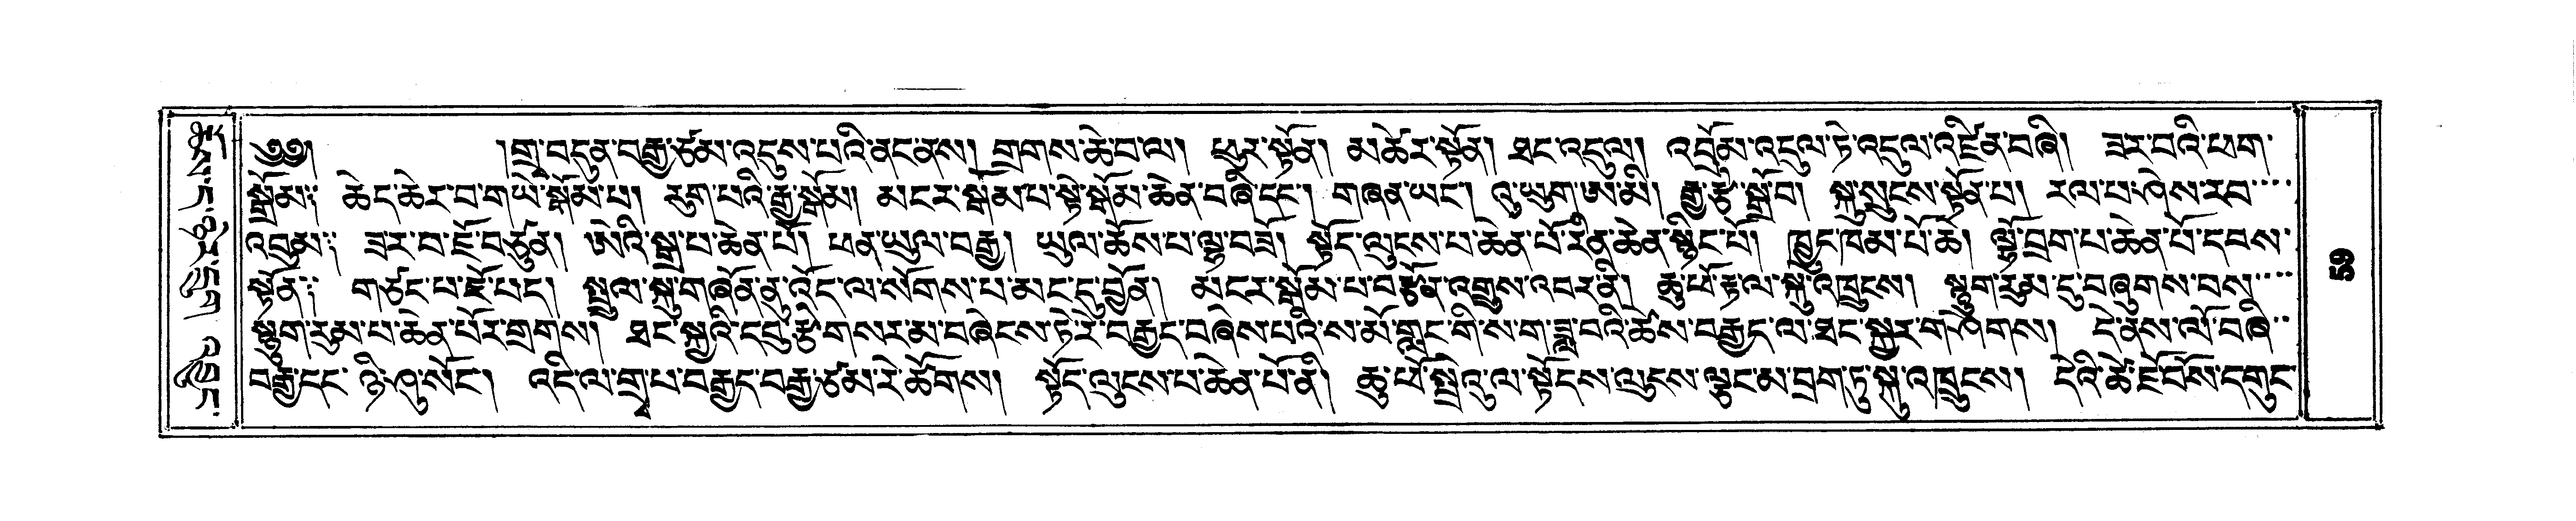༄༅། །གྲྭ་བདུན་བརྒྱ་ཙམ་འདུས་པའི་ནང་ནས། གྲགས་ཆེ་བ་ལ། ཕུར་སྟོན། མཚེར་སྟོན། ཐང་འདུལ། འབྲོམ་འདུལ་ཏེ་འདུལ་འཛིན་བཞི། ཟར་བའི་ཕག་
སྒྲོམ༑ ཆེད་ཆེར་བ་གཡེ་སྒོམ་པ། རུག་པའི་རྒྱ་སྒོམ། མངར་སྒོམ་པ་སྟེ་སྒོམ་ཆེན་བཞི་དང་། གཞན་ཡང་། འུ་ཡུག་ཨ་མི། རྒྱ་རྩེ་སྒྲོ་བ། སྐུ་སྲུངས་སྟོན་པ། རལ་པ་ཤེས་རབ་
འབུམ༑ ཟ་ར་བ་ཇོ་བཙུན། ཨེའི་སྒྲ་པ་ཆེན་པོ། ཕན་ཡུལ་བརྒྱ། ཡུལ་ཆོས་པ་ལྷ་བཟོ། སྟོད་ལུངས་པ་ཆེན་པོ་རིན་ཆེན་སྙིང་པོ། ཁྱུང་ཁམ་པོ་ཆེ། ལྷོ་བྲག་པ་ཆེན་པོ་དབས་
སྟོན༑ གཙང་པ་ཇོ་པད། སྤྲུལ་སྐུ་གཞོན་ནུ་འོད་ལ་སོགས་པ་མང་དུ་བྱོན། མངར་སྒོམ་པ་བརྩོན་འགྲུས་འབར་ནི། ཆུ་ཕོ་རྟ་ལ་སྐུ་འཁྲུངས། སྙུག་རུམ་དུ་བཞུགས་པས་
སྙུག་རུམ་པ་ཆེན་པོར་གྲགས། ཐང་སྐྱའི་དབུ་རྩེ་གསར་མ་བཞེངས་ཏེ་རེ་བརྒྱད་བཞེས་པའི་ས་མོ་གླང་གི་ས་ག་ཟླ་བའི་ཚེས་བརྒྱད་ལ་ཐང་སྐྱར་གཤེགས། དེ་ནས་ལོ་བཞི་
བརྒྱ་དང་ཉི་ཤུ་སོང་། འདི་ལ་གྲྭ་པ་བརྒྱད་བརྒྱ་ཙམ་རེ་ཚོགས། སྟོད་ལུངས་པ་ཆེན་པོ་ནི། ཆུ་ཕོ་སྤྲེའུ་ལ་སྟོངས་ལུངས་ལྕང་མ་བྲག་ཏུ་སྐུ་འཁྲུངས། དེའི་ཚེ་ཇོ་བོས་དགུང་